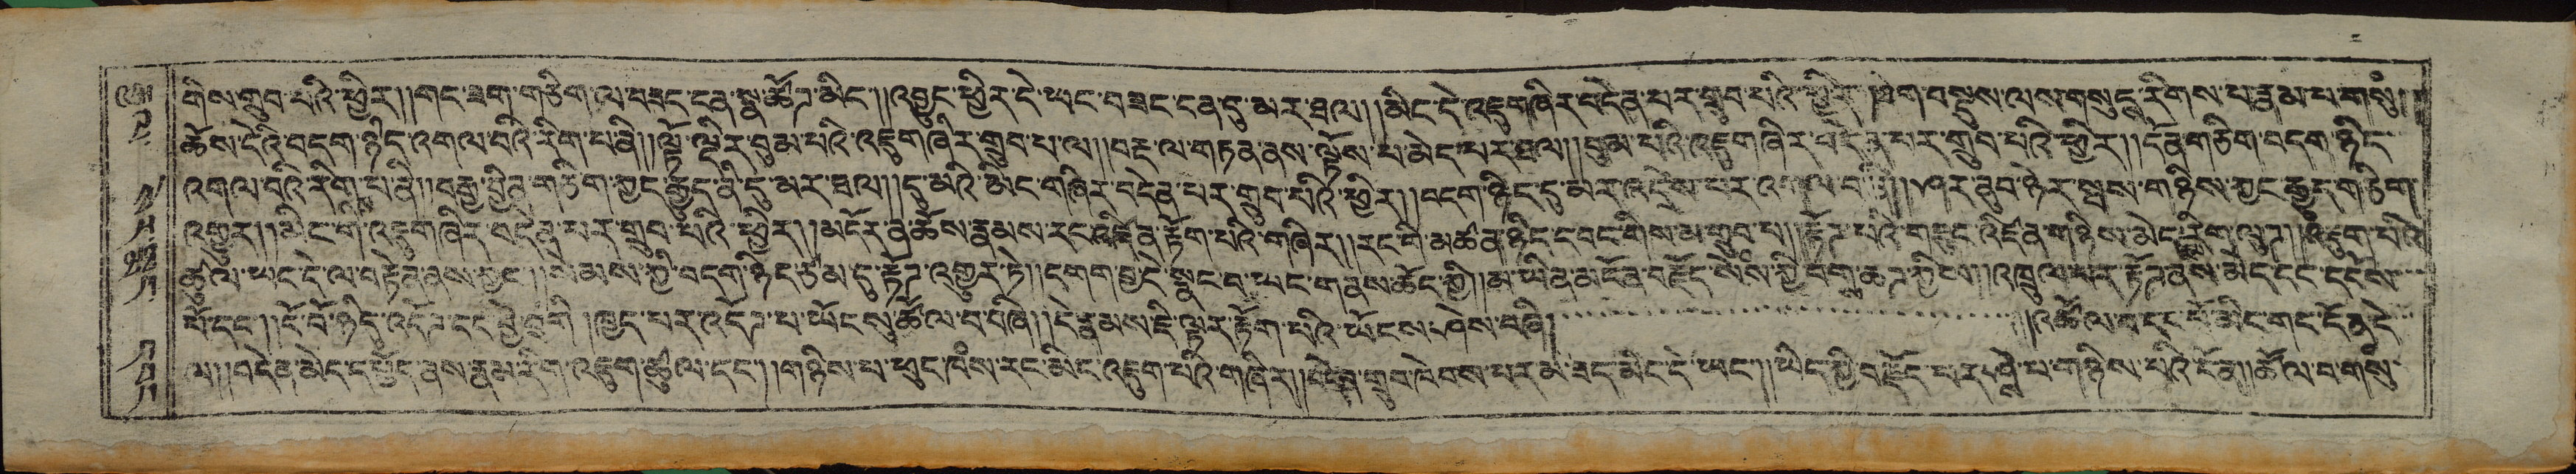གིས་གྲུབ་པའི་ཕྱིར། །གང་ཟག་གཅིག་ལ་བཟང་ངན་རྣ་ཚོགས་མིང་། །འབྱུང་ཕྱིར་དེ་ཡང་བཟང་ངན་དུ་མར་ཐལ། །མིང་དེ་འཇུག་གཞིར་བདེན་པར་གྲུབ་པའི་ཕྱིར། །ཐེག་བསྡུས་ལས་གསུངས་རིགས་པ་རྣམ་པ་གསུམ། །
ཆོས་དེའི་བདག་ཉིད་འགལ་བའི་རིག་རིགས་པ་ནི། །ལྟོ་ལྡིར་བུམ་པའི་འཇུག་གཞིར་གྲུབ་པ་ལ། །བརྡ་ལ་གཏན་ནས་ལྟོས་པ་མེད་པར་ཐལ། །བུམ་པའི་འཇུག་གཞིར་བདེན་པར་གྲུབ་པའི་ཕྱིར། །དོན་གཅིག་བདག་ཉིད་
འགལ་བའི་རིགས་པ་ནི། །བརྒྱ་བྱིན་གཅིག་ཀྱང་རྒྱུད་ནི་དུ་མར་ཐལ། །དུ་མའི་མིང་གཞིར་བདེན་པར་གྲུབ་པའི་ཕྱིར། །བདག་ཉིད་དུ་མར་འདྲེས་པར་འགལ་བ་ནི། །ཤར་ནུབ་ཉེར་སྦས་གཉིས་ཀྱང་རྒྱུད་གཅིག་
འགྱུར། །མིང་གི་འཇུག་གཞིར་བདེན་པར་གྲུབ་པའི་ཕྱིར། །མདོར་ན་ཆོས་རྣམས་རང་འཛིན་རྟོག་པའི་གཞིར། །རང་གི་མཚན་ཉིད་དབང་གིས་མ་གྲུབ་པ། །རྟོགས་པའི་གཟུང་འཛིན་གཉིས་མེད་རྣམ་རིག་ལུགས། །འཇུག་པའི་
ཚུལ་ཡང་དེ་ལ་བརྟེན་ནས་ཀྱང་། །སེམས་ཀྱི་བདག་ཉིད་ཙམ་དུ་རྟོགས་འགྱུར་ཏེ། །དགག་བྱ་དེ་སྣང་བ་ཡང་གནས་ཚོད་ཀྱི། །མ་ཡིན་མངོན་བརྗོད་སེམས་ཀྱི་བགས་བག་ཆགས་ཀྱིས། །འཁྲུལ་པར་བར་རྟོགས་ནས་མེད་དང་དངོས་
པོ་དང་། །ངོ་བོ་ཉིད་དུ་འདོགས་དང་བྱེ་བྲག་གི །ཁྱད་པར་འདོགས་པ་ཡོངས་སུ་འཚོལ་བ་བཞི། །དེ་རྣམས་ཇི་ལྟར་རྟོག་པའི་ཡོངས་ཤེས་བཞི། །འཚོལ་བ་དང་པོ་མིང་གང་དོན་དེ་
ལ། །བདེན་མེད་དཔྱོད་ནས་རྣམ་རིག་འཇུག་ཚུལ་དང་། །གཉིས་པ་ཕུང་ཁམས་རང་མིང་འཇུག་པའི་གཞིར། །བདེན་གྲུབ་ཁེབས་པར་མ་ཟད་མིང་དེ་ཡང་། །ཡིད་ཀྱི་བརྗོད་པར་ཤེས་པ་གཉིས་པའི་དོན། །འཚོལ་བ་གསུམ་